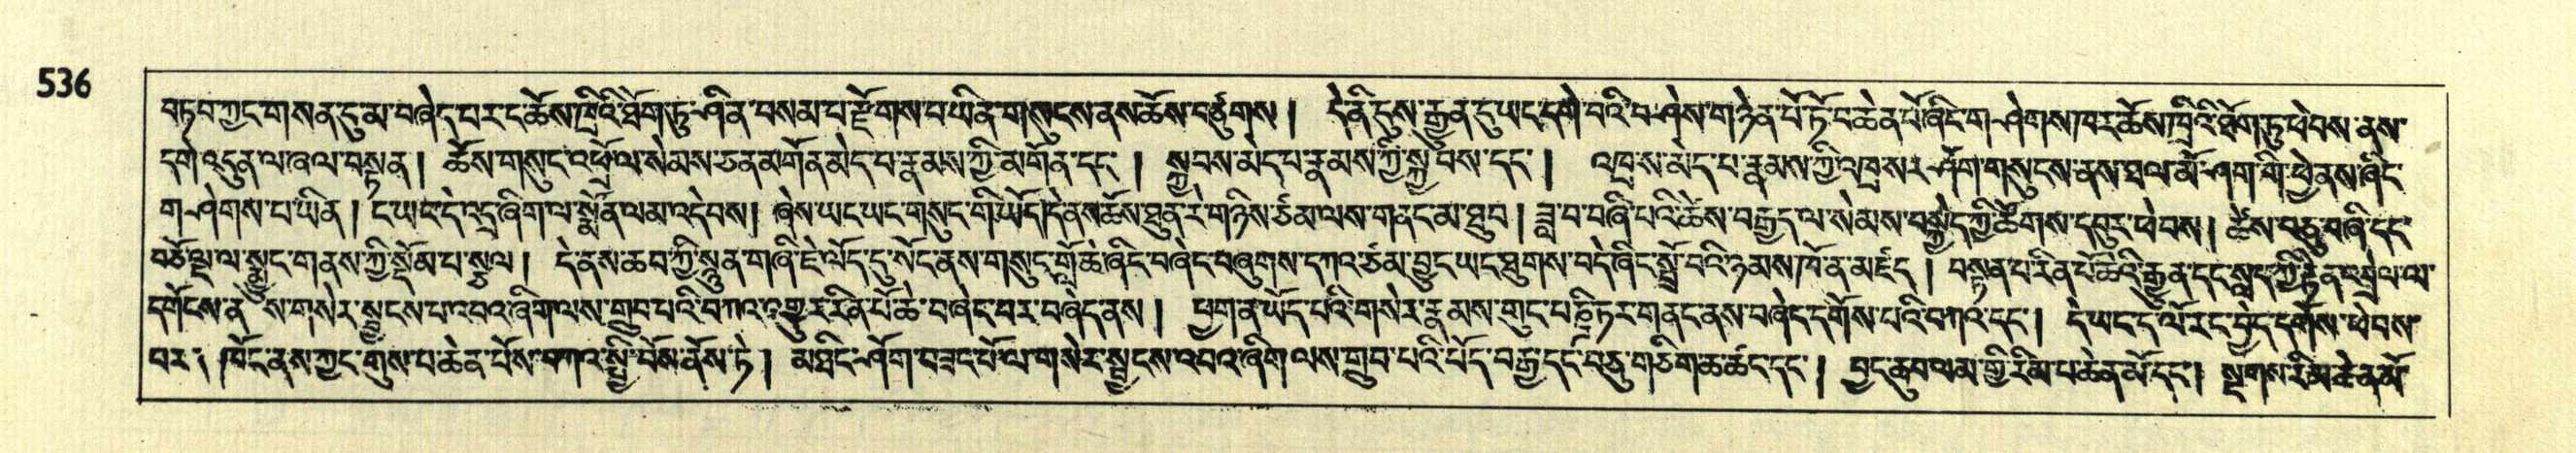བཏབ་ཀྱང་གསན་དུ་མ་བཞེད་པར་ང་ཆོས་ཁྲིའི་ཐོག་ཏུ་ཤིན་བསམ་པ་རྫོགས་པ་ཡིན་གསུངས་ནས་ཆོས་བཙུགས། དེ་ནི་དུས་རྒྱུན་དུ་ཡང་དགེ་བའི་བཤེས་གཉེན་པོ་ཏོ་བ་ཆེན་པོ་ཞིང་གཤེགས་ཁར་ཆོས་ཁྲིའི་ཐོག་ཏུ་ཕེབས་ནས་
དགེ་འདུན་ལ་ཞལ་བསྟན། ཆོས་གསུང་འཕྲོ་ལ་སེམས་ཅན་མགོན་མེད་པ་རྣམས་ཀྱི་མགོན་དང་། སྐྱབས་མེད་པ་རྣམས་ཀྱི་སྐྱབས་དང་། འཁྲ་ས་མེད་པ་རྣམས་ཀྱི་འཁྲ་སར་ཤོག་གསུངས་ནས་ཐལ་མོ་ཤག་གི་ཕྱེ་ནས་ཞིང་
གཤེགས་པ་ཡིན། ང་ཡང་དེ་འདྲ་ཞིག་ལ་སྨོན་ལམ་འདེབས། ཞེས་ཡང་ཡང་གསུང་གི་ཡོད། དེ་ནས་ཆོས་ཐུན་རེ་གཉིས་ཙམ་ལས་གནང་མ་ཐུབ། ཟླ་བ་བཞི་པའི་ཚེས་བརྒྱད་ལ་སེམས་བསྐྱེད་ཀྱི་ཚོགས་དབུར་ཕེབས། ཚེས་བཅུ་བཞི་དང་།
བཅོ་ལྔ་ལ་སྨྱུང་གནས་ཀྱི་སྡོམ་པ་སྩལ། དེ་ནས་ཆབ་ཀྱི་སྙུན་གཞི་ཇེ་ལོད་དུ་སོང་ནས་གསུང་གློ་ཆེ་ཞིང་བཞེང་བཞུགས་དཀའ་ཙམ་བྱུང་ཡང་ཐུགས་བདེ་ཞིང་སྤྲོ་བའི་ཉམས་ཁོ་ན་མཛད། བསྟན་པ་རིན་པོ་ཆེའི་རྒྱུན་དང་སླད་ཀྱི་རྟེན་འབྲེལ་ལ་
དགོངས་ནས་གསེར་སྦྱངས་པ་འབའ་ཞིག་ལས་གྲུབ་པའི་བཀའ་འགྱུར་རིན་པོ་ཆེ་བཞེང་བར་བཞེད་ནས། ཕྱག་ན་ཡོད་པའི་གསེར་རྣམས་གུང་པཎྜི་ཏར་གནང་ནས་བཞེད་དགོས་པའི་བཀའ་དང་། དེ་ཡང་ད་ལོ་རང་བྱེད་དགོས་ཕེབས་
བར༑ ཁོང་ནས་ཀྱང་གུས་པ་ཆེན་པོས་བཀའ་སྤྱི་བོས་ནོས་ཏེ། མཐིང་ཤོག་བཟང་པོ་ལ་གསེར་སྦྱངས་འབའ་ཞིག་ལས་གྲུབ་པའི་པོད་བརྒྱ་དང་བཅུ་གཅིག་ཆ་ཚང་དང་། བྱང་ཆུབ་ལམ་གྱི་རིམ་པ་ཆེན་མོ་དང་། སྔགས་རིམ་ཆེན་མོ་